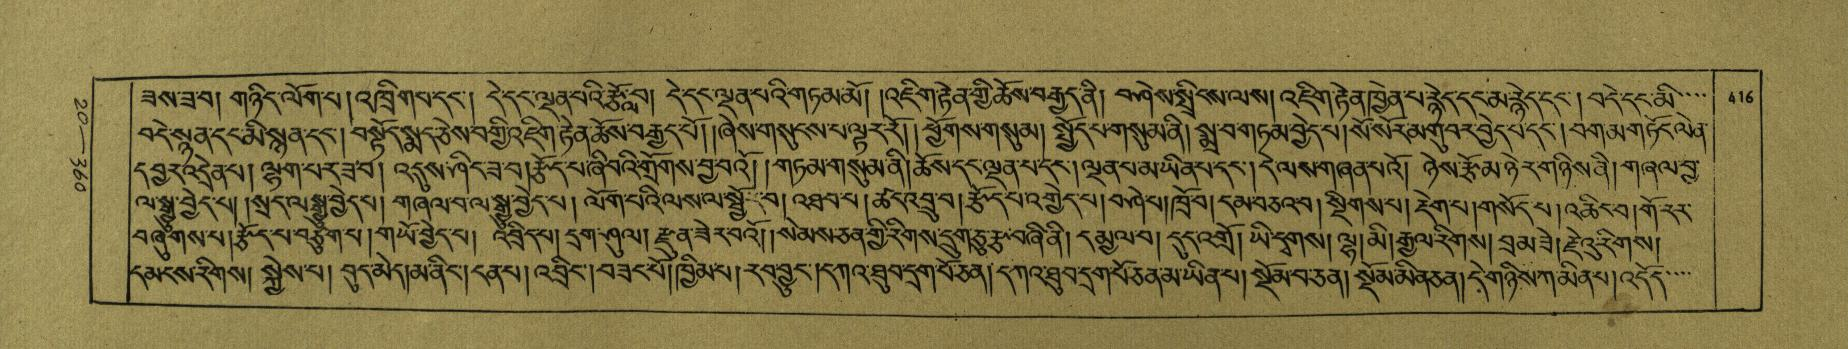ཟས་ཟ་བ། གཉིད་ལོག་པ། འཁྲིག་པ་དང་། དེ་དང་ལྡན་པའི་རྩོལ་བ། དེ་དང་ལྡན་པའི་གཏམ་མོ། །འཇིག་རྟེན་གྱི་ཆོས་བརྒྱད་ནི། བཤེས་སྤྲིངས་ལས། འཇིག་རྟེན་ཁྱེན་པ་རྙེད་དང་མ་རྙེད་དང་། བདེ་དང་མི་
བདེ་སྙན་དང་མི་སྙན་དང་། བསྟོད་སྨད་ཅེས་བགྱི་འཇིག་རྟེན་ཆོས་བརྒྱད་པོ། །ཞེས་གསུངས་པ་ལྟར་རོ། །ཕྱོགས་གསུམ། སྤྱོད་པ་གསུམ་ནི། སྨྲ་བ་གཏམ་བྱེད་པ། སོ་སོར་མགུ་བར་བྱེད་པ་དང་། བག་མ་གཏོང་ལེན་
དབྱར་འདྲེན་པ། ལྷག་པར་ཟ་བ། འདུས་ཤིང་ཟ་བ། རྩོད་པ་ཞི་བའི་གྲོགས་བྱ་བའོ། །གཏམ་གསུམ་ནི། ཆོས་དང་ལྡན་པ་དང་། ལྡན་པ་མ་ཡིན་པ་དང་། དེ་ལས་གཞན་པའོ། །ཉེས་རྩོམ་ཉེར་གཉིས་ནི། གཞལ་བྱ་
ལ་སྒྱུ་བྱེད་པ། །སྲད་ལ་སྒྱུ་བྱེད་པ། གཞལ་བ་ལ་སྒྱུ་བྱེད་པ། ལོག་པའི་ལས་ལ་སྦྱོར་བ། འཐབ་པ། ཚད་འབྲུ་བ། རྩོད་པ་འགྱེད་པ། བཤེ་པ། ཁྲོ་བ། དམ་བཅའ་བ། སྡིགས་པ། རྡེག་པ། གསོད་པ། འཆིང་བ། གོ་རར་
བཞུགས་པ། རྩོད་པ་བཙུག་པ། གཡོ་བྱེད་པ། འབྲིད་པ། དྲག་ཤུལ། རྫུན་ཟེར་བའོ། །སེམས་ཅན་གྱི་རིགས་དྲུག་ཅུ་རྩ་བཞི་ནི། དམྱལ་བ། དུད་འགྲོ། ཡི་དྭགས། ལྷ། མི། རྒྱལ་རིགས། བྲམ་ཟེ། རྗེའུ་རིགས།
དམངས་རིགས། སྐྱེས་པ། བུད་མེད། མ་ནིང་། ངན་པ། འབྲིང་། བཟང་པོ། ཁྱིམ་པ། རབ་བྱུང་། དཀའ་ཐུབ་དྲག་པོ་ཅན། དཀའ་ཐུབ་དྲག་པོ་ཅན་མ་ཡིན་པ། སྡོམ་བ་ཅན། སྡོམ་མིན་ཅན། དེ་གཉིས་ཀ་མིན་པ། འདོད་